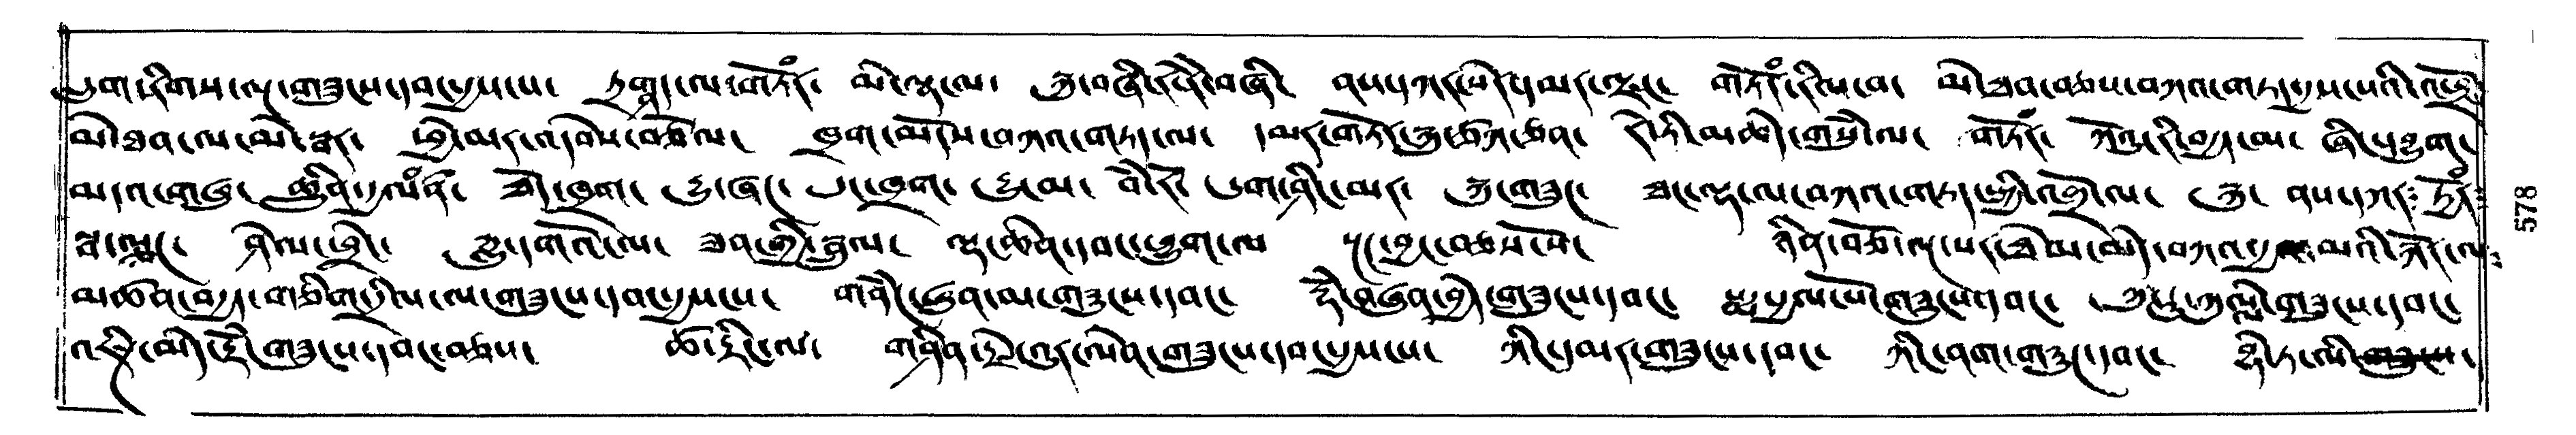དྲུག་རིགས་ལྔ་གཟུངས་དབང་རྒྱས་པ། ཏྲཀྵད་ལ་གཏོར་མ། མི་ལྷ་ལ། སྐུ་བཞི་རེ་རེ་བཞི། ནས་དཀར་སེར་དམར་ལྗང་། གཏོར་མ་རིལ་བ། མེ་ཐབ་བཅས་བཀའ་གཏད་རྒྱས་པའི་འཕྲོ་
མེ་ཐབ་ལ་མེ་སྦར། ཕྱེ་མར་འདེབས་བཅོལ། ཁྲག་མདོས་བཀའ་གཏད་ལ། དམར་གཏོར་སྐུ་ཙཀ་ཅན། རེ་ཏི་མཆེད་གསུམ་ལ། གཏོར་མ། ཀེའུ་རི་བརྒྱད་ལ། ཞིང་དབྱུག་
མདའ་གཞུ། ཆུ་སྲིན་རྒྱལ་མཚན། ཐོད་ཁྲག རྒྱུ་ཞགས། རྒྱུ་མ། བཻ་རོ། དུག་ཤིང་མར། སྐུ་གཟུགས། ཐང་ལྷ་ལ་བཀའ་གཏད་སྤྱི་འགྲོ་ལ། སྐུ། ནས་དཀར། གཏོར་མ་
སྦ་ལྕག ཤེལ་ཕྲེང་། ཀླུ་དགའ་བོ་ལ། ཟན་གྱི་སྦྲུལ། ལྷ་ཆེན་དབང་ཕྱུག་ལ། སྔགས་བྱང་བཅས་སོ།། ཉིན་བཅོ་ལྔ་པར་ཐེམ་མེད་བཀའ་རྒྱ་མའི་སྐོར་ལ་
མཚན་བརྒྱད་གཅིག་དྲིལ་ལ་གཟུངས་དབང་རྒྱས་པ། གནམ་ལྕགས་ཞུན་མ་གཟུངས་དབང་། རྡོ་རྗེ་བཞུན་བྱེད་གཟུངས་དབང་། པདྨ་རྒྱལ་པོ་གཟུངས་དབང་། ཀུ་རུ་ཀུལླེ་གཟུངས་དབང་། 
འཇིགས་མེད་རྡོ་རྗེའི་གཟུངས་དབང་བཅས། ཚ་རྟིང་ལ། གཤིན་རྗེ་འུར་ལེན་གཟུངས་དབང་རྒྱས་པ། ཀིང་དམར་གཟུངས་དབང་། ཀིང་ནག་གཟུངས་དབང་། བྷེ་ཏ་ལི་